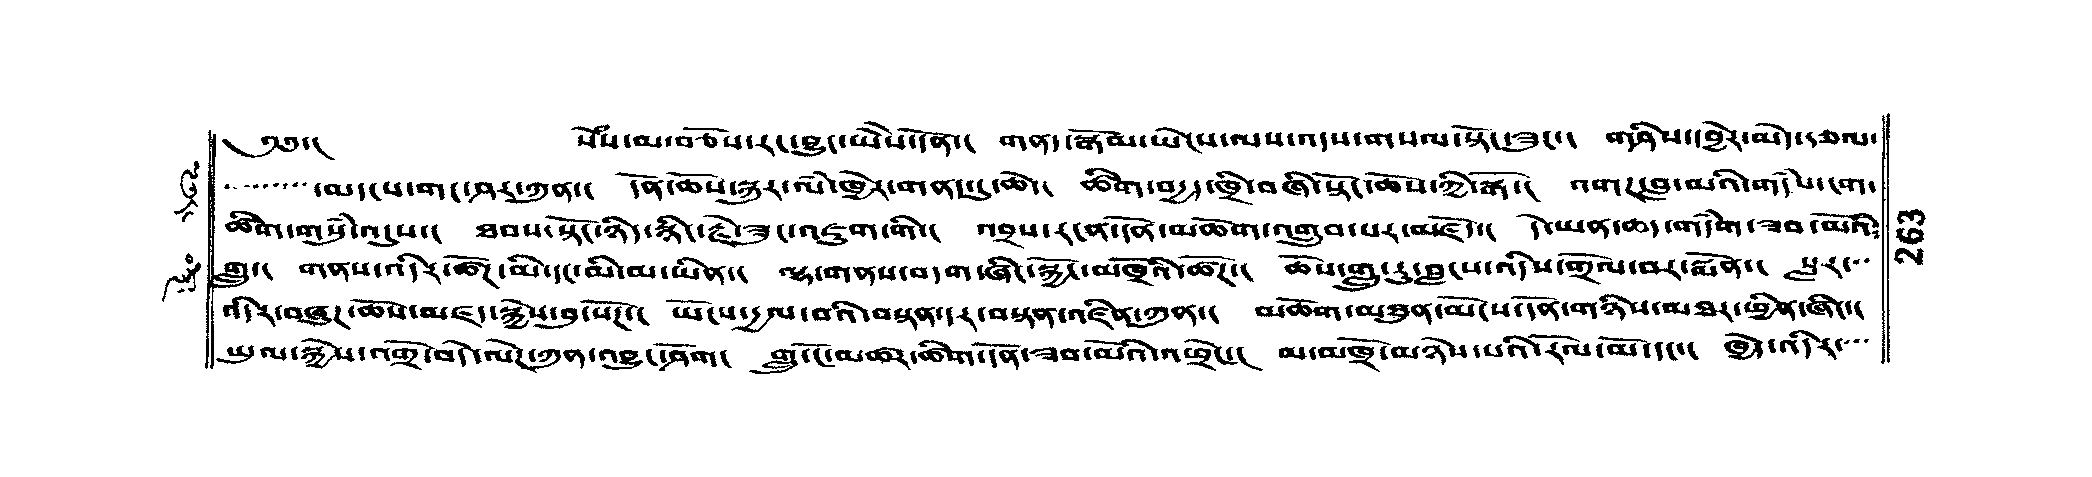།སེམས་མ་བཅོས་རང་བྱུང་ཡེ་ཤེས་དོན། །གནད་སྒོམ་ཡེངས་ལས་འདས་གསལ་སྟོང་ཟུང་། །གཤིས་དབྱེར་མེད་རྩལ་
མདངས་གང་ཤར་ཀུན། དོན་ཆོས་སྐུར་ལམ་ཁྱེར་གནད་དུ་ཆེ། །ཚིག་བརྒྱད་ཁྲི་བཞི་སྟོང་ཆོས་ཀྱི་སྒོ། །འགག་བླ་མའི་གདམས་ངག་
ཚིག་གསུམ་འདུས། །ཐབས་སྟོང་ཉིད་སྙིང་རྗེ་ཟུང་འཇུག་གི།འབྲས་རང་གཞན་དོན་མཆོག་འགྲུབ་པར་མཛོད། །དེ་ཡན་ཆད་གདམས་ངག་ཟབ་མོའི་
གླུ། །གནས་འདིར་ཚོགས་མི་དང་མི་མ་ཡིན། ལྷ་ག་གནས་བདག་ཞིང་སྐྱོང་མཁའ་འགྲོའི་ཚོགས། །ཆོས་གླུ་རུ་བླངས་འདིས་གྲོལ་བར་སྨོན། །སླར་
འདིར་བཞུགས་ཆོས་མཛད་སྐྱེས་བུ་སོགས། །ཡོངས་རྒྱལ་བའི་བསྟན་དང་བསྟན་འཛིན་ཀུན། །མཆོག་མཐུན་མོང་དོན་གཉིས་མཐར་ཕྱིན་ཞིང་། །
ཡུལ་སྐྱེ་འགྲོ་བེད་ལེགས་ཀུན་འབྱུང་ཤོག །གླུ་ངོ་མཚར་ཚིག་དོན་ཟབ་མོའི་འཕྲེང་། །མ་མཁའ་འགྲོ་མཉེས་པའི་རོལ་མོ་དང་། །ཁྱེད་འདིར་